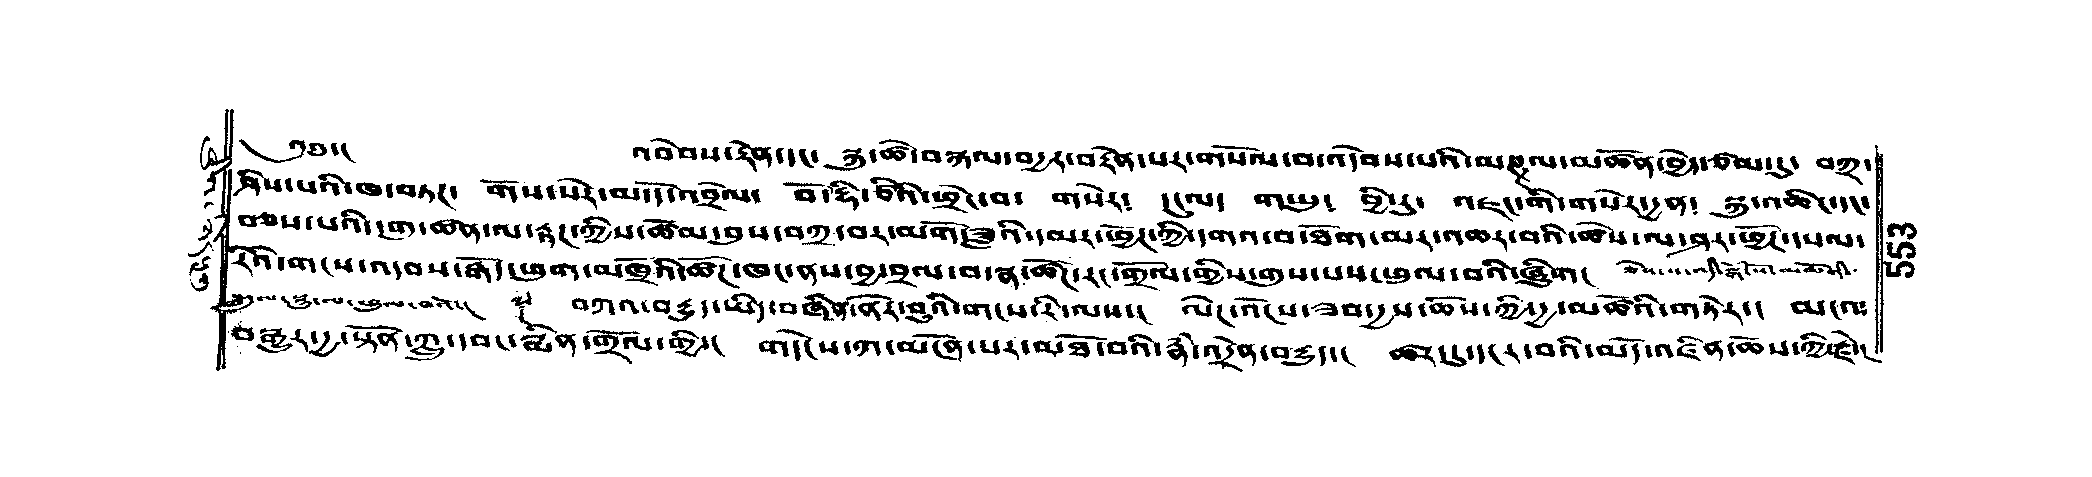འབེབས་རྟེན་དང་། སྐུ་ཚེ་བསྐལ་བརྒྱར་བརྟེན་པར་གསོལ་བ་འདེབས་པའི་མཎྜལ་མཚོན་བྱེད་ཙམ་དུ། བཀྲ་
ཤིས་པའི་ཁ་བཏགས། གོས་གསེར་མ་དེ་འབྲེལ། བོ་དྷི་ཙེའི་ཕྲེང་བ། གསེར། དངུལ། གཡུ། བྱི་རུ། འཇང་གི་གསེར་རྒྱན། སྐུ་འཆིངས་དང་
བཅས་པའི་དགུ་ཚན་ལ་རྟགས་ཀྱིས་ཚོམ་བུས་བཀྲ་བར་མགོ་ཟླའི་དམར་ཕྱོགས་ཀྱི་དགའ་བ་ཐོག་མར་འཆར་བའི་ཚེས་ལ་ཤར་ཕྱོགས་དཔལ་
རིའི་གངས་འདབས་རྒོད་ཕུག་མཁའ་འགྲོའི་ཚོགས་ཁང་ནས་བྱ་བྲལ་བ་སྣ་ཚོགས་རང་གྲོལ་གྱིས་གུས་པས་ཕུལ་བའི་ཞུ་ཡིགཅེས་པ་འདི་སྒམ་པོ་མཆོག་གི་
སྤྲུལ་སྐུ་ལ་ཕུལ་བའོ།། ༈ བཀའ་བརྒྱུད་ཡིད་བཞིན་ནོར་བུའི་གངས་རི་ལས། །ལེགས་འོངས་ཟབ་རྒྱས་ཆོས་ཀྱི་རྒྱ་མཚོའི་གཏེར། །མངའ་
བསྒྱུར་རྒྱ་སྟོན་ཀླུ་དབང་སྨིན་གྲོལ་གྱི། །གདེངས་ཀ་མངོན་པར་མཐོ་བའི་རྣམ་འདྲེན་བརྒྱུད། །ཚར་དུ་དངར་བའི་མདོ་འཛིན་ཆོས་ཀྱི་རྗེ།